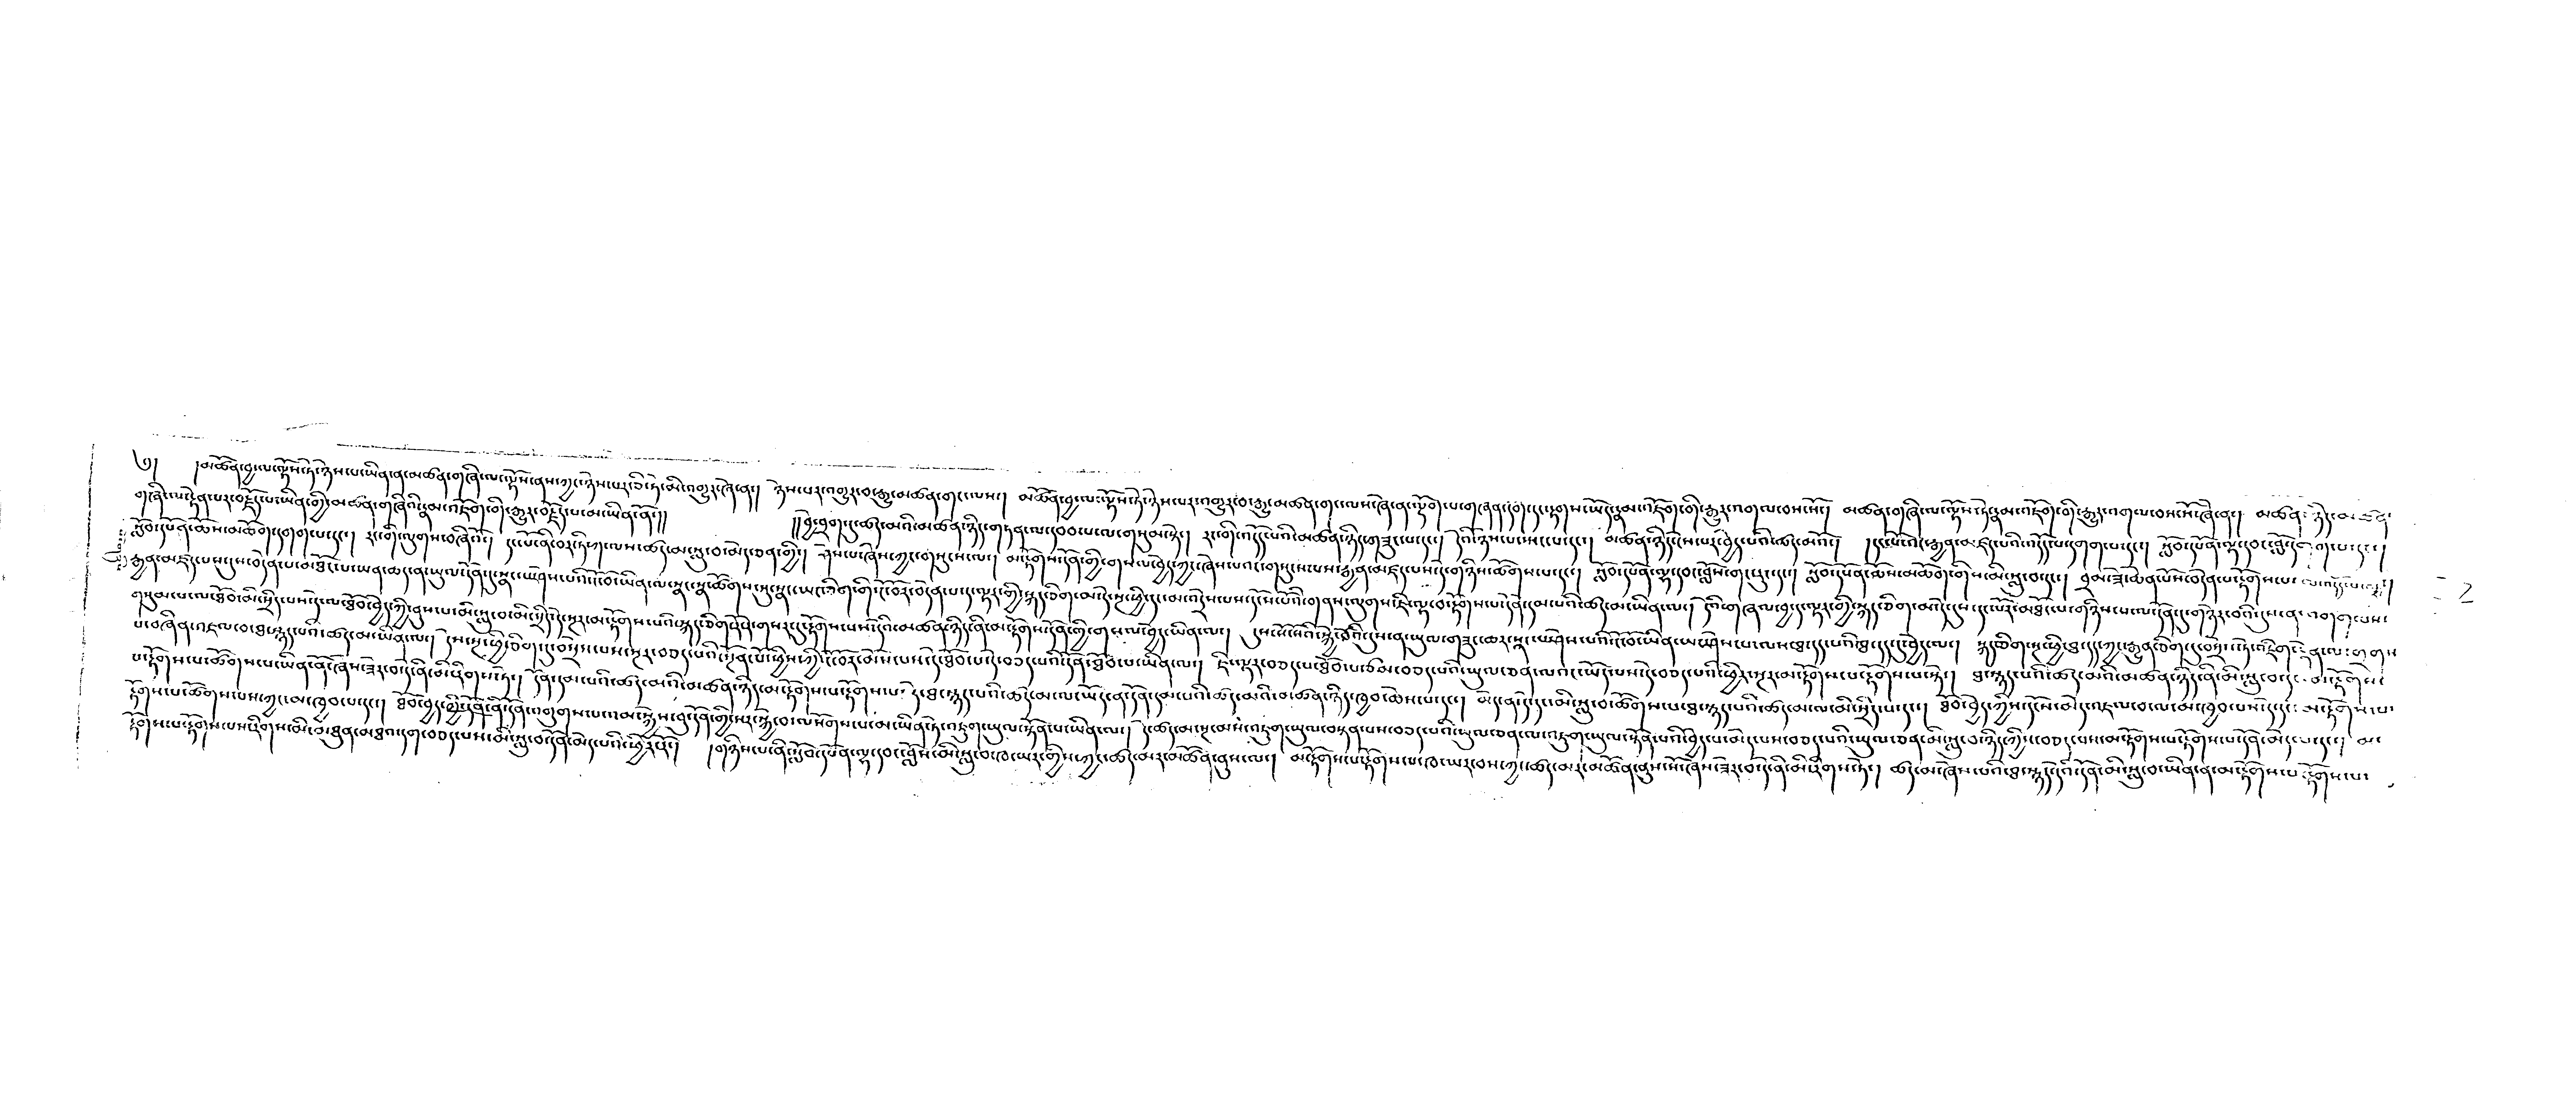༈། །མཚོན་བྱ་ལ་ལྟོས་ཏེ་ཉེས་པ་ཡིན་ན་མཚན་གཞི་ལ་ལྟོས་ནས་ཀྱང་ཉེས་པར་ཅི་སྟེ་མི་འགྱུར་ཞེ་ན། ཉེས་པར་འགྱུར་བ་རྒྱུ་མཚན་གང་ལས། མཚོན་བྱ་ལ་ལྟོས་ཏེ་ཉེས་པར་འགྱུར་བ་རྒྱུ་མཚན་གང་ལས་ཞེ་ན་ལྡོག་པ་གཞན་དག་དང་རྟགས་ཡོད་རྣམ་འཇོག་གི་རྒྱུར་འགལ་བས་སོ། མཚན་གཞི་ལ་ལྟོས་ཏེ་རྣམ་འཇོག་གི་རྒྱུད་འགལ་བས་སོ་ཞེ་ན། མཚན་ཉིད་མཚན་
གཞི་ལ་རྟེན་པར་བརྗོད་པ་ཡིན་གྱི་མཚན་གཞིའི་རྣམ་འཇོག་གི་རྒྱུར་བརྗོད་པ་མ་ཡིན་ནོ།། །།བྱེ་བྲག་དུ་ཚད་མའི་མཚན་ཉིད་གཏན་ལ་དབབ་པ་ལ་གསུམ་སྟེ། རང་གི་འདོད་པའི་མཚན་ཉིད་གཟུང་པ་དང་། དེའི་ཉེས་པ་སྤང་པ་དང་། མཚན་ཉིད་ངེས་པར་བྱེད་པའི་ཚད་མའོ། །དང་པོ་འང་རྒྱན་མཛད་པའི་འདོད་པ་དགག་པ་དང་། སློབ་དཔོན་ལྷ་དབང་བློ་དགག་པ་དང་།
སློབ་དཔོན་ཆོས་མཆོག་དགག་པ་དང་། རང་གི་ལུགས་བཞིའོ། དང་པོ་ནི་བར་ཏི་ཀ་ལས་ཚད་མ་སླུ་བ་མེད་ཅན་གྱི། ཤེས་པ་ཞེས་ཀྱང་གསུངས་ལ། མ་རྟོགས་དོན་གྱི་གསལ་བྱེད་ཀྱང་ཞེས་པའང་གསུངས་པས་རྒྱན་མཛད་པས་དེ་གཉིས་ཚོགས་པ་དང་། སློབ་དཔོན་ལྷ་དབང་བློས་གང་རུང་དང་། སློབ་དཔོན་ཆོས་མཆོག་གིས་མི་སླུ་བ་དང་། བྲམ་ཟེ་ཆེན་པོས་བདེན་པ་རྟོགས་པ་ལ་འདོད་པ་ལས།
རྒྱན་མཛད་པས་དུས་བདེན་པ་མཐོང་པ་ཡན་ཆད་ན་ཡུལ་དོན་དུ་སྣང་པ་ཤེས་པའི་ངོ་བོ་ཡིན་ལ་སྣང་སྣ་ཚོགས་སུ་སྣང་ཡང་ཅིག་གི་ངོ་བོར་བདེན་པ་ད་ལྟར་གྱི་སྐད་ཅིག་མ་དེ་སྔ་ཕྱི་དང་མ་འདྲེས་པས་དངོས་པོའི་གནས་ལུགས་ཇི་ལྟ་བ་རྟོགས་པ་དོན་དམ་པའི་ཚད་མ་ཡིན་ལ། དེའི་གཞལ་བྱ་ད་ལྟར་གྱི་སྐད་ཅིག་མ་དེ་དུས་དང་པོར་མཐོང་པ་གཉིས་པ་ལ་དོན་དུ་གཉེར་བའི་དུས་ན་འགག་པས་
གསུམ་པ་ལ་ཐོབ་མི་སྲིད་པས་དེ་མ་ཐོབ་བྱེད་ཀྱི་ནུས་པ་མི་སླུ་བ་མི་སྲིད་དེ་སྔར་མ་རྟོགས་པའི་སྐད་ཅིག་རེ་རེ་གསར་དུ་རྟོགས་པས་དེའི་མཚན་ཉིད་ནི་མ་རྟོགས་དོན་གྱི་གསལ་བྱེད་ཡིན་ལ། དུས་སོ་སོའི་སྐྱེ་བོའི་དུས་ན་ཡུལ་གཟུང་ཆར་སྣང་པ་ཤེས་པའི་ངོ་བོ་ཡིན་ཡང་ཤེས་པ་ལས་ཐ་དད་པའི་ཐ་དད་དུ་བྱེད་ལ། སྐད་ཅིག་སྔ་ཕྱི་ཐ་དད་ཀྱང་རྒྱུན་ཅིག་དུ་བསྲེས་ཏེ་འཇིག་རྟེན་ལ་གྲགས་
པ་བཞིན་འཇལ་བ་ཐ་སྙད་པའི་ཚད་མ་ཡིན་ལ། དེས་སྔ་ཕྱི་ཅིག་དུ་བསྲེས་པས་སྔར་བཅད་པའི་སྔོན་པོ་ཕྱིས་ཀྱི་ངོ་བོར་མོས་པས་དེ་ཐོབ་པ་དེ་བཅད་པའི་དོན་ཐོབ་པ་ཡིན་ལ། ཇི་ལྟར་བཅད་པ་ཐོབ་པ་ཙམ་བཅད་པའི་ཡུལ་ཅན་ལའང་ཡོད་པས་དེ་བཅད་པའི་ཕྱིར་སྔར་མ་རྟོགས་པ་རྟོགས་པ་སྟེ། ཐ་སྙད་པའི་ཚད་མའི་མཚན་ཉིད་ནི་མི་སླུ་བ་དང་མ་རྟོགས་
པ་རྟོགས་པ་ཚོགས་པ་ཡིན་ནོ་ཞེས་ཟེར་བ་དེ་ནི་མི་རིགས་ཏེ། དོན་དམ་པའི་ཚད་མའི་མཚན་ཉིད་མ་རྟོགས་པ་རྟོགས་པ་དེར་ཐ་སྙད་པའི་ཚད་མ་ལ་ཡོད་ན་དོན་དམ་པའི་ཚད་མའི་མཚན་ཉིད་ཁྱབ་ཆོས་པ་དང་། མེད་ན་དེ་དང་མི་སླུ་བ་ཚོགས་པ་ཐ་སྙད་པའི་ཚད་མ་ལ་མི་སྲིད་པ་དང་། ཐོབ་བྱེད་ཀྱིས་དངོས་མེད་འཇལ་བ་ལ་མ་ཁྱབ་པས་དེ་དང་མ་རྟོགས་པ་
རྟོགས་པ་ཚོགས་པས་ཀྱང་མ་ཁྱབ་པ་དང་། ཐོབ་བྱད་ཀྱི་དོན་ནི་དོན་འགུགས་པ་འམ་སྐྱེས་བུ་དོན་གྱི་སར་སྐྱེ་བ་ལ་སོགས་པ་མ་ཡིན་ཏེ་འཇུག་ཡུལ་སྟོན་པ་ཡིན་ལ། དེ་ཚད་མ་སྔ་མས་འཇུག་ཡུལ་བསྟན་པས་བཅད་པའི་ཡུལ་ཅན་ལ་འཇུག་ཡུལ་སྟོན་པའི་བྱེད་པ་མེད་པས་བཅད་པའི་ཡུལ་ཅན་མི་སླུ་བ་ཉིད་ཀྱིས་བཅད་པས་མ་རྟོགས་པ་རྟོགས་པ་དོན་མེད་པ་དང་། མ་
རྟོགས་པ་རྟོགས་པས་རིགས་མི་མཐུན་མཐའ་དག་བཅད་པས་མི་སླུ་བ་དོན་མེད་པའི་ཕྱིར་རོ། །གཉིས་པ་ནི་སློབ་དཔོན་ལྷ་དབང་བློས་མི་སླུ་བ་ཁ་ཡར་གྱིས་ཀྱང་ཚད་མར་མཚོན་ནུས་ལ། མ་རྟོགས་པ་རྟོགས་པ་ཁ་ཡར་བས་ཀྱང་ཚད་མར་མཚོན་ནུས་སོ་ཞེས་ཟེར་བ་དེ་ནི་མི་རིགས་ཏེ། ཚད་མ་ཞེས་པའི་ཐ་སྙད་དེའི་དོན་མི་སླུ་བ་ཡིན་ན་མ་རྟོགས་པ་རྟོགས་པ་